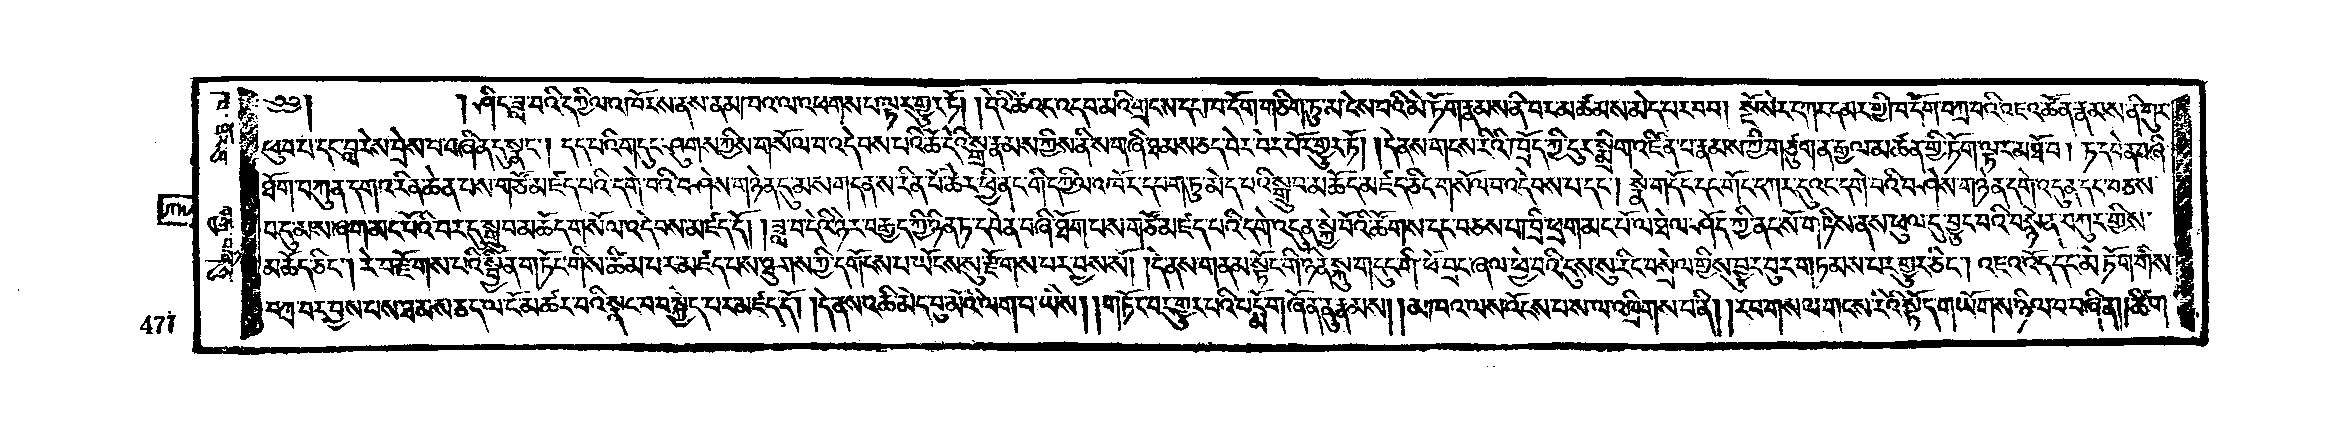༄༅། །ཤིང་ཟླ་བའི་དཀྱིལ་འཁོར་ས་ནས་ནམ་མཁའ་ལ་འཕགས་པ་ལྟར་གྱུར་ཏོ། །དེའི་ཚེའང་འདབ་མའི་གྲངས་དང་ཁ་དོག་གཅིག་ཏུ་མ་ངེས་པའི་མེ་ཏོག་རྣམས་ནི་བར་མཚམས་མེད་པར་བབ། སྔོ་སེར་དཀར་དམར་གྱི་ཁ་དོག་བཀྲ་བའི་འཇའ་ཚོན་རྣམས་ནི་གུར་
ཕུབ་པ་དང་བླ་རེས་བྲེས་པ་བཞིན་དུ་སྣང་། དད་པའི་གདུང་ཤུགས་ཀྱིས་གསོལ་བ་འདེབས་པའི་ཚེ་དེའི་སྒྲ་རྣམས་ཀྱིས་ནི་ས་གཞི་ཐམས་ཅད་བར་བེར་པོར་གྱུར་ཏེ། །དེ་ནས་གངས་རིའི་ཁྲོད་ཀྱི་ངུར་སྨྲིག་འཛིན་པ་རྣམས་ཀྱི་གཙུག་ན་རྒྱལ་མཚན་ཀྱི་ཏོག་ལྟར་མཐོ་བོ། ཏ་དབེན་བཞི་
ཐོག་པ་ཀུན་དགའ་རིན་ཆེན་པས་གཙོ་མཛད་པའི་དགེ་བའི་བཤེས་གཉེན་དུ་མས་གདན་ས་རིན་པོ་ཆེར་ཕྱི་ནང་གི་དཀྱིལ་འཁོར་དཔག་ཏུ་མེད་པའི་སྒྲུབ་མཆོད་མཛད་ཅིང་གསོལ་བ་འདེབས་པ་དང་། སྣེ་གདོང་དང་གོང་དཀར་དུའང་དགེ་བའི་བཤེས་གཉེན་དགེ་འདུན་དང་བཅས་
པ་དུ་མས་ཞག་མང་པོའི་བར་དུ་སྒྲུབ་མཆོད་གསོལ་འདེབས་མཛད་དོ། །ཟླ་བ་དེའི་ཉེར་བརྒྱད་ཀྱི་ཉིན་ཏ་དབེན་བཞི་ཐོག་པས་གཙོ་མཛད་པའི་དགེ་འདུན་སྐྱེ་བོའི་ཚོགས་དང་བཅས་པ་ཁྲི་ཕྲག་མང་པོ་ལ་ཐེལ་ཤོད་ཀྱི་ནང་སོ་གཉིས་ནས་ཕུལ་དུ་བྱུང་བའི་བསྙེན་བཀུར་གྱིས་
མཆོད་ཅིང་། རེ་བ་རྫོགས་པའི་སྦྱིན་གཏོང་གིས་ཚིམ་པར་མཛད་པས་ཐུགས་ཀྱི་དགོངས་པ་ཡོངས་སུ་རྫོགས་པར་བྱས་སོ། །དེ་ནས་གནམ་སྟོང་གི་ཉིན་སྐུ་གདུང་གི་ཕོ་བྲང་ཞལ་ཕྱེ་བའི་དུས་སུ་རིང་བསྲེལ་གྱིས་བྱུར་བུར་གཏམས་པར་གྱུར་ཅིང་། འཇའ་འོད་དང་མེ་ཏོག་གིས་
བཀྲ་བར་བྱས་པས་ཐམས་ཅད་ལ་ངོ་མཚར་བའི་སྣང་བ་བསྐྱེད་པར་མཛད་དོ། །དེ་ནས་འཆི་མེད་བུ་མོའི་ལག་པ་ཡིས། །གཏོར་བར་གྱུར་པའི་པདམོ་གཞོན་ནུ་རྣམས། །མཁའ་ལས་འོངས་པས་ལ་འཁྲིགས་པ་ནི། །རབ་གསལ་གངས་རིའི་སྟོད་གཡོགས་ཉིལ་བ་བཞིན། །ཚིག་